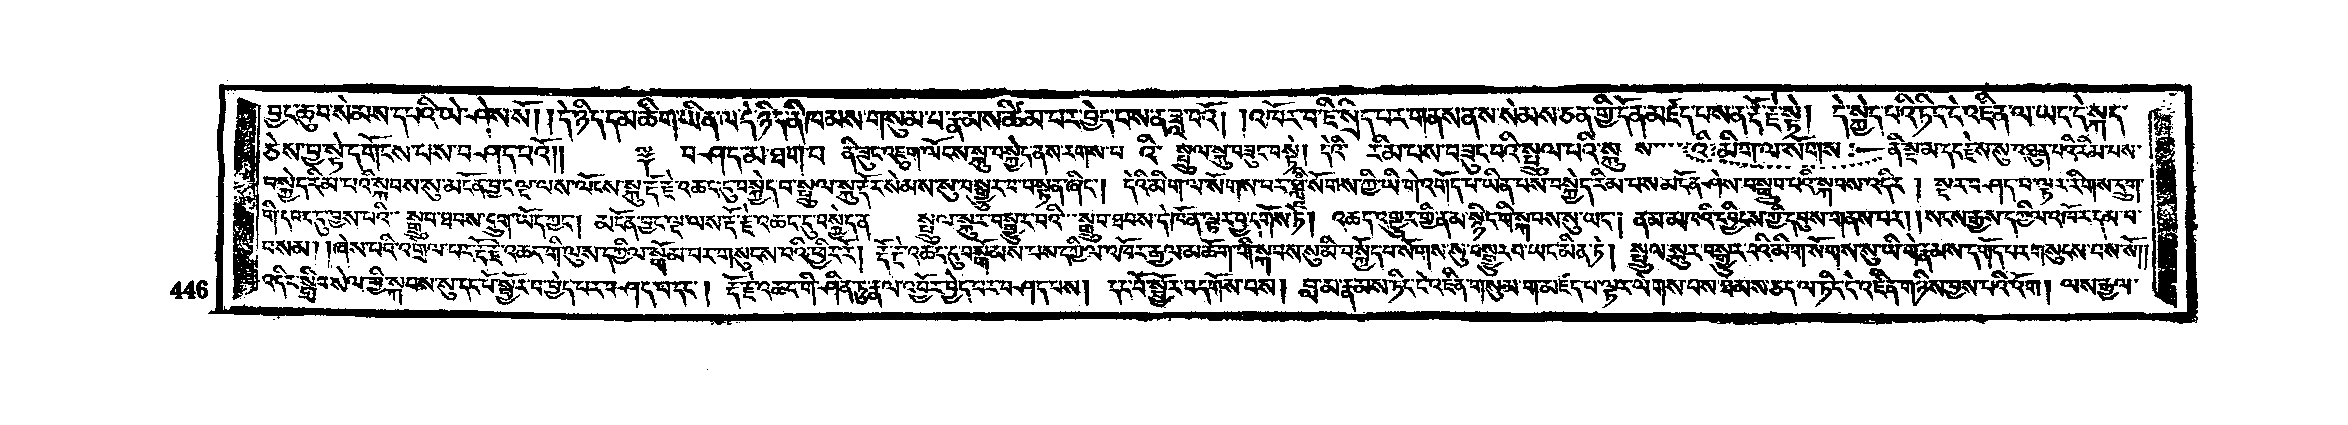བྱང་ཆུབ་སེམས་དཔའི་ཡེ་ཤེས་སོ། །དེ་ཉིད་དམ་ཚིག་ཡིན་ལ་དེ་ཉིད་ནི་ཁམས་གསུམ་པ་རྣམས་ཚིམ་པར་བྱེད་པས་ན་ཟླ་བའོ། །འཁོར་བ་ཇི་སྲིད་པར་གནས་ནས་སེམས་ཅན་གྱི་དོན་མཛད་པས་ན་རྡོ་རྗེ་སྟེ། དེ་སྐྱེད་པའི་ཏིང་ངེ་འཛིན་ལ་ཡང་དེ་སྐད་
ཅེས་བྱ་སྟེ་དགོངས་པས་བཤད་པའོ།། ༈ བཤད་མ་ཐག་པ་ནི་ཟུང་འཇུག་ལོངས་སྐུ་བསྐྱེད་ནས་རགས་པའི་སྤྲུལ་སྐུ་བཟུང་བ་སྟེ། དེའི་རིམ་པས་བཟུང་བའི་སྤྲུལ་པའི་སྐུས་འི་མིག་ལ་སོགས་H.་ནི་སྔ་མ་དང་རྗེས་སུ་འཐུན་པའི་རིམ་པས་
བསྐྱེད་རིམ་པའི་སྐབས་སུ་མངོན་བྱང་ལྔ་ལས་ལོངས་སྐུ་རྡོ་རྗེ་འཆང་དུ་བསྐྱེད་པ་སྤྲུལ་སྐུ་རྡོར་སེམས་སུ་བསྒྱུར་བ་བསྟན་ཞིང་། དེའི་མི་གླ་སོགས་པར་ཐཾལཱི་སོགས་ཀྱི་ཡི་གེ་འགོད་པ་ཡིན་པས་བསྐྱེད་རིམ་པས་མངོན་ཤེས་བསྒྲུབ་པའི་སྐབས་འདིར། སྔར་བཤད་པ་ལྟར་རིགས་དྲུག་
གི་དབང་དུ་བྱས་པའི་སྒྲུབ་ཐབས་དྲུག་ཡོད་ཀྱང་། མངོན་བྱང་ལྔ་ལས་རྡོ་རྗེ་འཆང་དུ་བསྐྱེད་ན། སྤྲུལ་སྐུར་བསྒྱུར་བའི་སྒྲུབ་ཐབས་དེ་ཁོ་ན་ལྟར་བྱ་དགོས་ཏེ། འཆད་འགྱུར་གྱི་ནམ་སྙིང་གི་སྐབས་སུ་ཡང་། ནམ་མཁའི་དབྱིངས་ཀྱི་དབུས་གནས་པར། །སངས་རྒྱས་དཀྱིལ་འཁོར་དམ་པ་
བསམ། །ཞེས་པའི་འགྲེལ་པར་རྡོ་རྗེ་འཆང་གི་ལུས་དཀྱིལ་སྒོམ་པར་གསུངས་པའི་ཕྱིར་རོ། རྡོ་རྗེ་འཆང་དུ་བསྒོམས་པས་དཀྱིལ་འཁོར་རྒྱལ་མཆོག་གི་སྐབས་སུ་མི་བསྐྱོད་པ་སོགས་སུ་བསྒྱུར་བ་ཡང་མིན་ཏེ། སྤྲུལ་སྐུར་བསྒྱུར་བའི་མིག་སོགས་སུ་ཡི་གེ་རྣམས་དགོད་པར་གསུངས་པས་སོ།།
འདིར་སྒྲིབ་སེལ་གྱི་སྐབས་སུ་དང་པོ་སྦྱོར་བ་བྱེད་པར་བཤད་པ་དང་། རྡོ་རྗེ་འཆང་གི་ཤིན་ཏུ་རྣལ་འབྱོར་བྱེད་པར་བཤད་པས། དང་པོ་སྦྱོར་བ་དགོས་པས། བླ་མ་རྣམས་ཏིང་ངེ་འཛིན་གསུམ་ག་མཛད་པ་ལྟར་ལེགས་པས་ཐམས་ཅད་ལ་ཏིང་ངེ་འཛིན་གཉིས་བྱས་པའི་འོག། ལས་རྒྱལ་